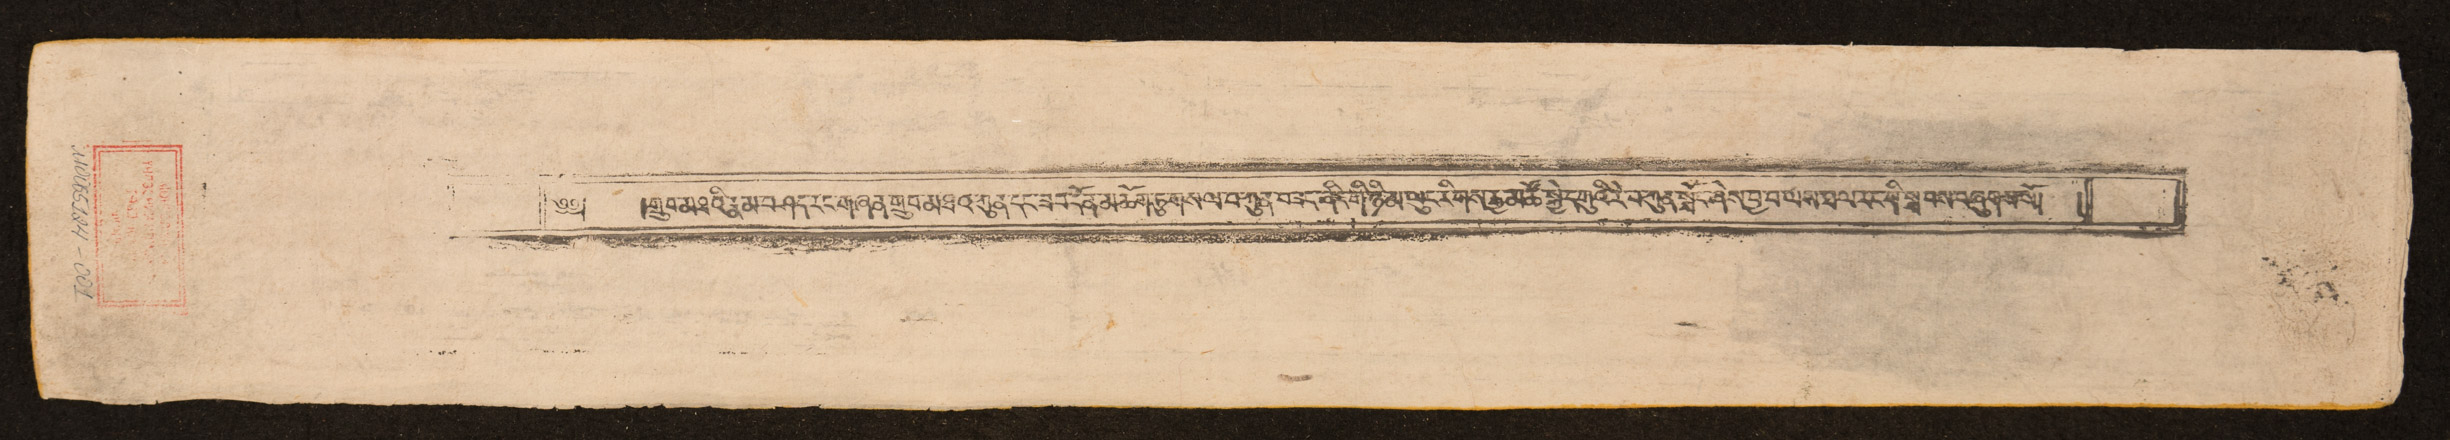༄༅། །གྲུབ་མཐའི་རྣམ་བཤད་རང་གཞན་གྲུབ་མཐའ་ཀུན་དང་ཟབ་དོན་མཆོག་ཏུ་གསལ་བ་ཀུན་བཟང་ཞིང་གི་ཉི་མ་ལུང་རིགས་རྒྱ་མཚོ་སྐྱེ་དགུའི་རེ་བ་ཀུན་སྐོང་ཞེས་བྱ་བ་ལས་ཐལ་རང་གི་སྐབས་བཞུགས་སོ།།